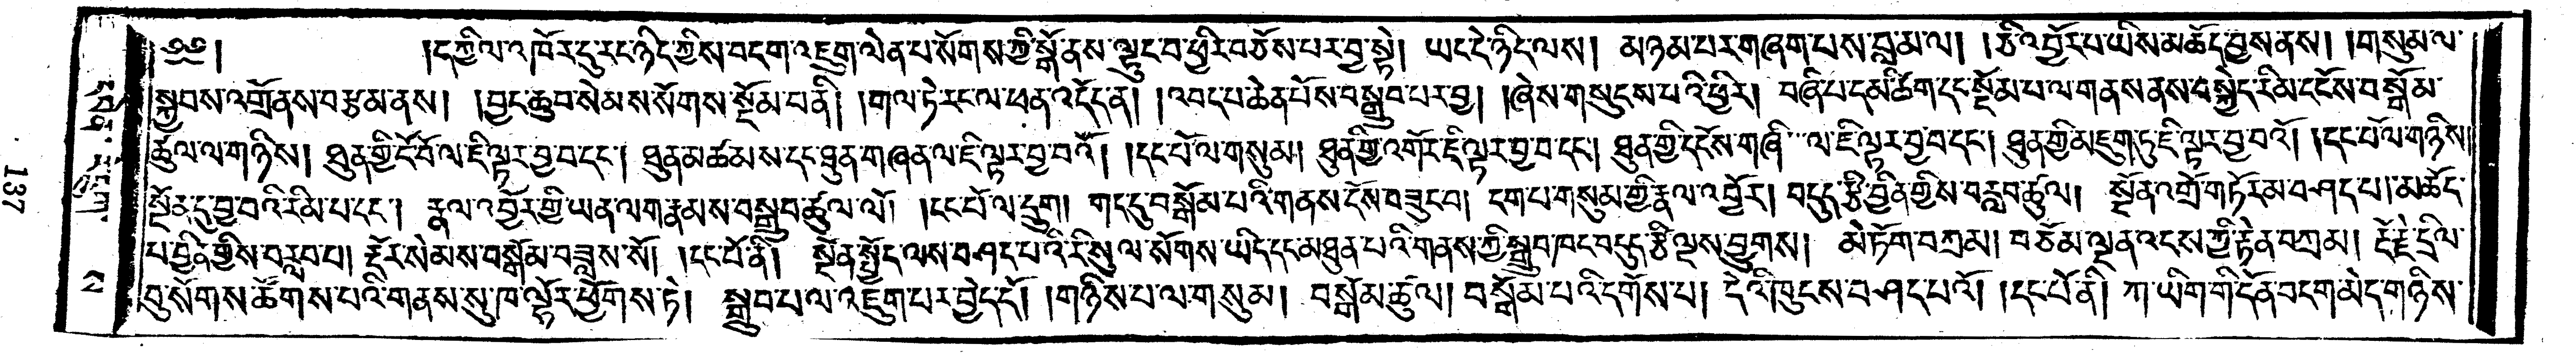༄༅། །དཀྱིལ་འཁོར་དུ་རང་ཉིད་ཀྱིས་བདག་འཇུག་ལེན་པ་སོགས་ཀྱི་སྒོ་ནས་ལྟུང་བ་ཕྱིར་བཅོས་པར་བྱ་སྟེ། ཡང་དེ་ཉིད་ལས། མཉམ་པར་གཞག་པས་བླ་མ་ལ། །ཅི་འབྱོར་པ་ཡིས་མཆོད་བྱས་ནས། །གསུམ་ལ་
སྐྱབས་འགྲོ་ནས་བརྩམ་ནས། །བྱང་ཆུབ་སེམས་སོགས་སྡོམ་པ་ནི། །གལ་ཏེ་རང་ལ་ཕན་འདོད་ན། །འབད་པ་ཆེན་པོས་བསྒྲུབ་པར་བྱ། །ཞེས་གསུངས་པའི་ཕྱིར། བཞི་པ་དམ་ཚིག་དང་སྡོམ་པ་ལ་གནས་ནས་བསྐྱེད་རིམ་དངོས་བསྒོམ་
ཚུལ་ལ་གཉིས། ཐུན་གྱི་ངོ་བོ་ལ་ཇི་ལྟར་བྱ་བ་དང་། ཐུན་མཚམས་དང་ཐུན་གཞན་ལ་ཇི་ལྟར་བྱ་བའོ། །དང་པོ་ལ་གསུམ། ཐུན་གྱི་འགོར་ཇི་ལྟར་བྱ་བ་དང་། ཐུན་གྱི་དངོས་གཞི་ལ་ཇི་ལྟར་བྱ་བ་དང་། ཐུན་གྱི་མཇུག་ཏུ་ཇི་ལྟར་བྱ་བའོ། །དང་པོ་ལ་གཉིས།
སྔོན་དུ་བྱ་བའི་རིམ་པ་དང་། རྣལ་འབྱོར་གྱི་ཡན་ལག་རྣམས་བསྒྲུབ་ཚུལ་ལོ། །དང་པོ་ལ་དྲུག། གང་དུ་བསྒོམ་པའི་གནས་ངོས་བཟུང་བ། དག་པ་གསུམ་གྱི་རྣལ་འབྱོར། བདུད་རྩི་བྱིན་གྱིས་བརླབ་ཚུལ། སྔོན་འགྲོ་གཏོར་མ་བཤད་པ། མཆོད་
པ་བྱིན་གྱིས་བརླབ་པ། རྡོར་སེམས་བསྒོམ་བཟླས་སོ། །དང་པོ་ནི། སྔོན་སྤྱོད་ལས་བཤད་པའི་རི་སུལ་སོགས་ཡིད་དང་མཐུན་པའི་གནས་ཀྱི་སྒྲུབ་ཁང་བདུད་རྩི་ལྔས་བྱུགས། མེ་ཏོག་བཀྲམ། བཅོམ་ལྡན་འདས་ཀྱི་རྟེན་བཀྲམ། རྡོ་རྗེ་དྲིལ་
བུ་སོགས་ཚོགས་པའི་གནས་སུ་ཁ་ལྷོར་ཕྱོགས་ཏེ། སྒྲུབ་པ་ལ་འཇུག་པར་བྱེད་དོ། །གཉིས་པ་ལ་གསུམ། བསྒོམ་ཚུལ། བསྒོམ་པའི་དགོས་པ། དེའི་ཁུངས་བཤད་པའོ། །དང་པོ་ནི། ཀ་ཡིག་གི་དོན་བདག་མེད་གཉིས་